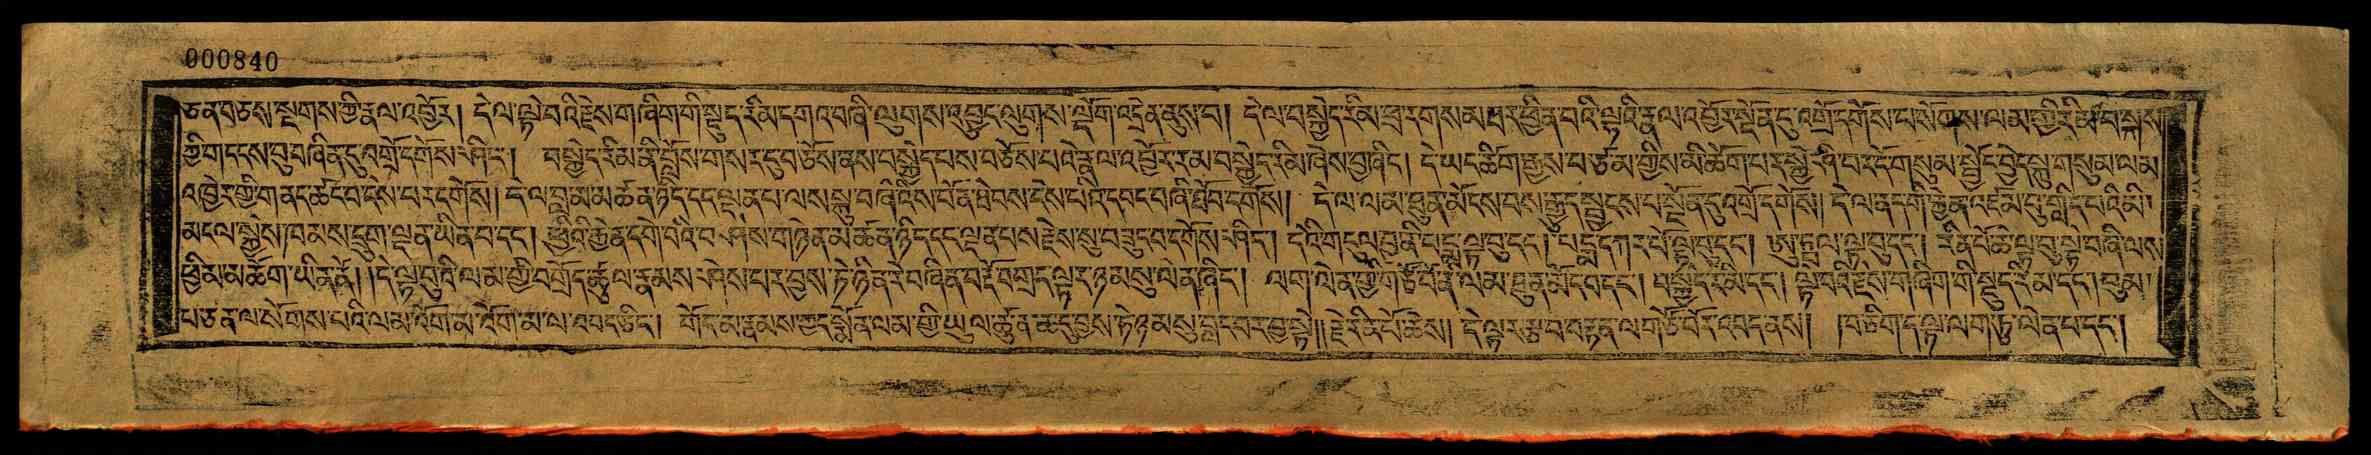ཅན་བཅས་སྔགས་ཀྱི་རྣལ་འབྱོར། དེ་ལ་ལྟེ་བའི་རྗེས་གཞིག་གི་སྡུད་རིམ་དགའ་བཞི་ལུགས་འབྱུང་ལུགས་ལྡོག་འདྲེན་ནུས་པ། དེ་ལ་བསྐྱེད་རིམ་ཕྲ་རགས་མཐར་ཕྱིན་པའི་ལྷའི་རྣལ་འབྱོར་སྔོན་དུ་འགྲོ་དགོས་པ་སོགས་ལམ་གྱི་རིམ་པ་སྐས་
ཀྱི་གདངས་བུ་བཞིན་དུ་འགྲོ་དགོས་ཤིང་། བསྐྱེད་རིམ་ནི་བློས་གསར་དུ་བཅོས་ནས་བསྐྱེད་པས་བཅོས་པའི་རྣལ་འབྱོར་རམ་བསྐྱེད་རིམ་ཞེས་བྱ་ཞིང་། དེ་ཡང་ཚིག་རྒྱས་པ་ཙམ་གྱིས་མི་ཆོག་པར་སྐྱེ་ཤི་བར་དོ་གསུམ་སྦྱོང་བྱེད་སྐུ་གསུམ་ལམ་
འཁྱེར་གྱི་གནད་ཚང་བ་ངེས་པར་དགོས། དེ་ལ་བླ་མ་མཚན་ཉིད་དང་ལྡན་པ་ལས་སྐུ་བཞིའི་ས་བོན་ཐེབས་ངེས་པའི་དབང་བཞི་ཐོབ་དགོས། དེ་ལ་ལམ་ཐུན་མོངས་བས་རྒྱུད་སྦྱངས་པ་སྔོན་དུ་འགྲོ་དགོས། དེ་ལ་ནང་གི་རྐྱེན་འཛམ་བུ་གླིང་པའི་མི་
མངལ་སྐྱེས་ཁམས་དྲུག་ལྡན་ཡིན་པ་དང་། ཕྱིའི་རྐྱེན་དགེ་བའི་བཤེས་གཉེན་མཚན་ཉིད་དང་ལྡན་པས་རྗེས་སུ་བཟུང་བ་དགོས་ཤིང་། དེའི་གདུལ་བྱ་ནི་པདམ་ལྟ་བུ་དང་། པདམ་དཀར་པོ་ལྟ་བུ་དང་། ཨུཏྤལ་ལྟ་བུ་དང་། རིན་པོ་ཆེ་ལྟ་བུ་སྟེ་བཞི་ལས་
ཕྱི་མ་མཆོག་ཡིན་ནོ། །དེ་ལྟ་བུའི་ལམ་གྱི་བགྲོད་ཚུལ་རྣམས་ཤེས་པར་བྱས་ཏེ་ཉིན་རེ་བཞིན་བརྡོ་བགྲང་ལྟར་ཉམས་སུ་ལེན་ཞིང་། ལག་ལེན་གྱི་གཙོ་བོ་ནི་ལམ་ཐུན་མོང་བ་དང་། བསྐྱེད་རིམ་དང་། ལྟེ་བའི་རྗེས་གཞིག་གི་སྡུད་རིམ་དང་། བུམ་
པ་ཅན་ལ་སོགས་པའི་ལམ་འོག་མ་འོག་མ་ལ་འབད་ཅིང་། གོང་མ་རྣམས་ཀྱང་སྨོན་ལམ་གྱི་ཡུལ་ཚུན་ཆད་དུ་བྱས་ཏེ་ཉམས་སུ་བླང་བར་བྱ་སྟེ། རྗེ་རིན་པོ་ཆེས། དེ་ལྟར་རྩ་བ་བརྟན་ལ་གཙོ་བོར་འབད་ནས། ཁ་ཅིག་ད་ལྟ་ལག་ཏུ་ལེན་པ་དང་།